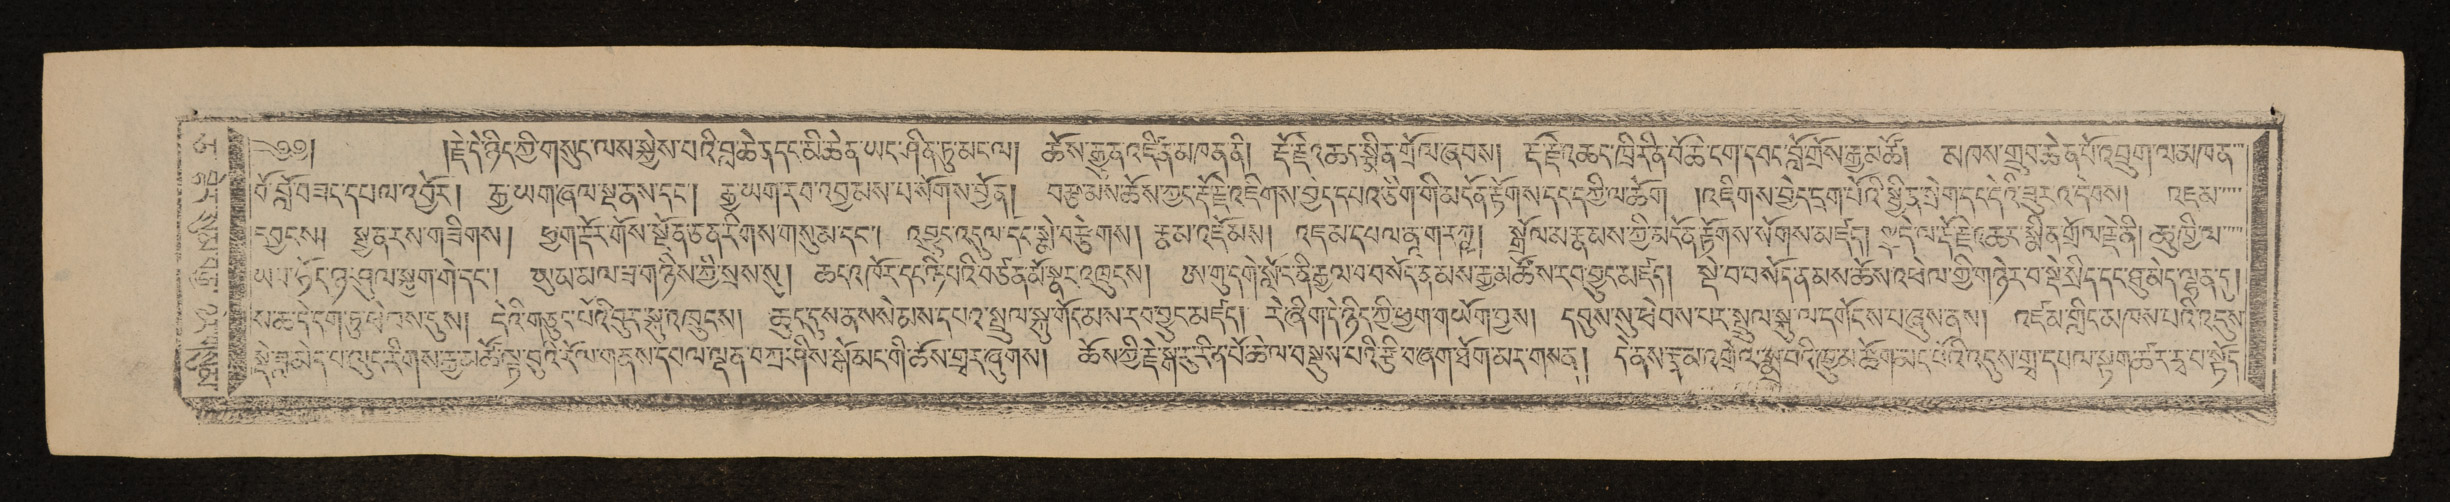༄༅། །རྗེ་དེ་ཉིད་ཀྱི་གསུང་ལས་སྐྱེས་པའི་བླ་ཆེན་དང་མི་ཆེན་ཡང་ཤིན་ཏུ་མངལ། ཆོས་རྒྱུན་འཛིན་མཁན་ནི། རྡོ་རྗེ་འཆང་སྨིན་གྲོལ་ཞབས། རྡོ་རྗེ་འཆང་ཀྲི་རིན་པོ་ཆེ་ངག་དབང་བློ་གྲོས་རྒྱ་མཚོ། མཁས་གྲུབ་ཆེན་པོ་འབྲུག་ལ་མཁན་
པོ་བློ་བཟང་དཔལ་འབྱོར། རྒྱ་ཡག་ཞལ་སྔ་ནས་དང་། རྒྱ་ཡག་རབ་འབྱམས་པ་སོགས་བྱོན། བརྩམས་ཆོས་ཀྱང་རྡོ་རྗེ་འཇིགས་བྱེད་དཔའ་ཅིག་གི་མངོན་རྟོགས་དང་དཀྱིལ་ཆོག །འཇིགས་བྱེད་དྲག་པོའི་སྦྱིན་སྲེག་དང་དེའི་ཟུར་འདེབས། འཇམ་
དབྱངས། སྤྱན་རས་གཟིགས། ཕྱག་རྡོར་གོས་སྔོན་ཅན་རིགས་གསུམ་དང་། འབྱུང་འདུལ་དང་སྨྲེ་བརྩེགས། རྣམ་འཇོམས། འཇམ་དཔལ་ནཱ་ག་རཀྵ། སྒྲོལ་མ་རྣམས་ཀྱི་མངོན་རྟོགས་སོགས་མཛད། ༈ དེ་ལ་རྡོ་རྗེ་འཆང་སྨིན་གྲོལ་རྗེ་ནི། ཆུ་ཁྱིལ་
ཡབ་ཧོར་ཉ་ཤུལ་སྐྱག་གེ་དང་། ཡུམ་མལ་ཟ་གཉིས་ཀྱི་སྲས་སུ། ཆང་འཁོར་དང་ཉེ་བའི་བཙན་མོ་སྣར་འཁྲུངས། ཨ་གུ་དགེ་སློང་ནི་རྒྱལ་བ་བསོད་ནམས་རྒྱ་མཚོས་རབ་བྱུང་མཛད། སྡེ་བ་བསོད་ནམས་ཆོས་འཕེལ་གྱི་གཉེར་བ་སྡེ་སྲིད་དང་ཐུ་མེད་ལྷན་དུ།
ས་ཆ་དེ་དག་ཏུ་ཕེབས་དུས། དེའི་གཅུང་པོའི་བུར་སྐུ་འཁྲུངས། ཆུང་དུས་ནས་སེམས་དཔའ་སྤྲུལ་སྐུ་གོང་མས་རབ་འབྱུང་མཛད། རེ་ཞིག་དེ་ཉིད་ཀྱི་ཕྱག་གཡོག་བྱས། དབུས་སུ་ཕེབས་པར་སྤྲུལ་སྐུ་ལ་དགོངས་པ་ཞུས་ནས། འཛམ་གླིང་མཁས་པའི་འདུས་
སྡེ་ཟླ་མེད་པ་ལུང་རིགས་རྒྱ་མཚོ་ལྟ་བུའི་རོལ་གནས་དཔལ་ལྡན་བཀྲ་ཤིས་སྒོ་མང་གི་ཆོས་གྲྭར་ཞུགས། ཆོས་ཀྱི་རྗེ་སྒ་རུ་རིན་པོ་ཆེ་ལ་བསྡུས་པའི་རྩི་བཞག་ཐོག་མར་གསན། དེ་ནས་རྣམ་འགྲེལ་སྨྲ་བའི་ཁྱུ་མཆོག་མང་པོའི་འདུས་གྲྭ་དཔལ་སྟག་ཚང་རྭ་བསྟོད་